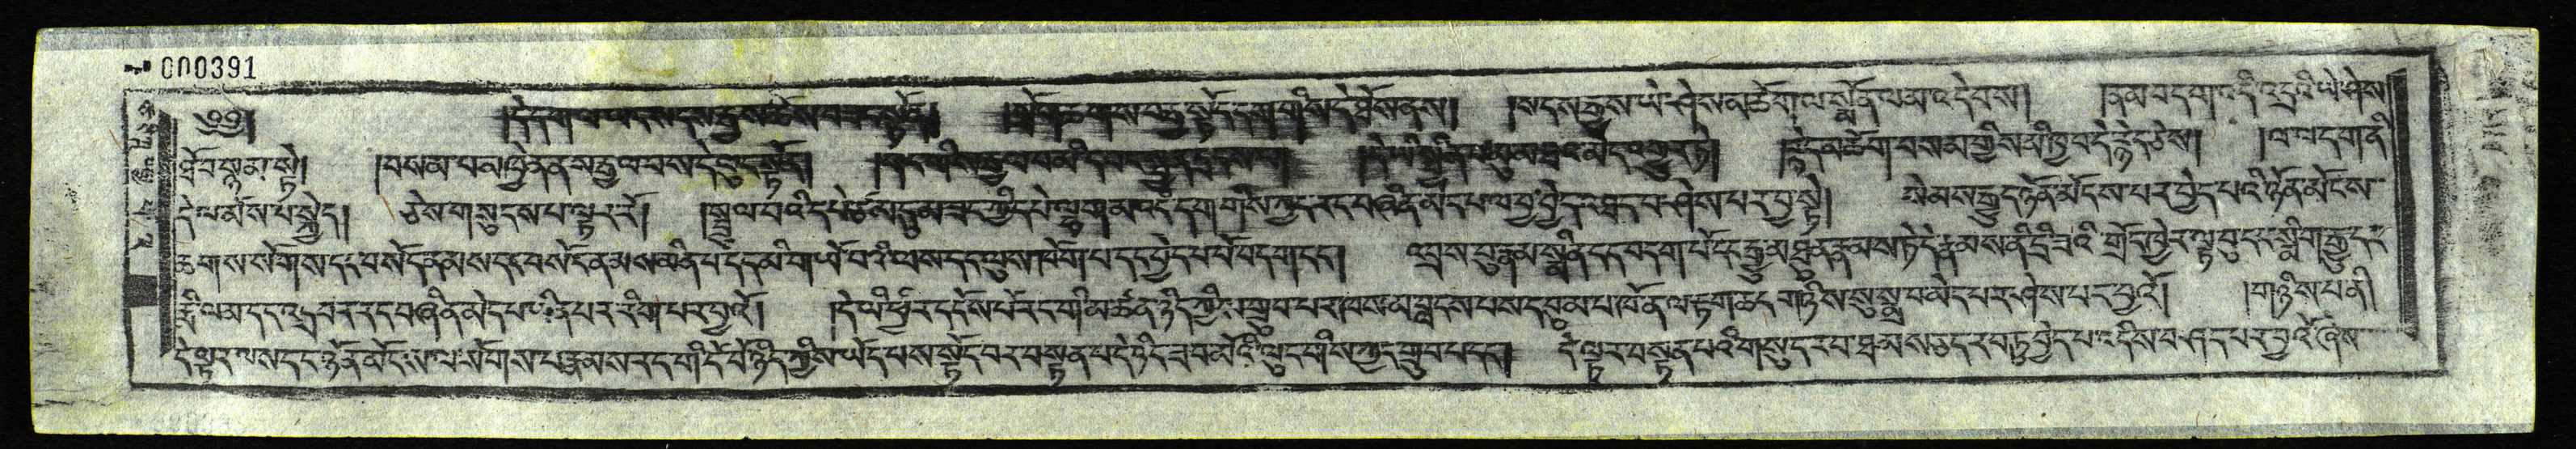༄༅། །དེ་དག་ལ་ཡང་སངས་རྒྱས་ཆོས་བཟང་སྟོན། །སྲོག་ཆགས་བཅུ་སྟོང་དག་གིས་དེ་ཐོས་ནས། །སངས་རྒྱས་ཡེ་ཤེས་མཆོག་ལ་སྨོན་ལམ་འདེབས། །ནམ་བདག་འདི་འདྲའི་ཡེ་ཤེས་
ཐོབ་སྙམ་སྟེ། །བསམ་པ་མཁྱེན་ནས་རྒྱལ་པས་དེ་ལུང་སྟོན། །གང་གིས་རྒྱལ་བ་མི་དབང་སྤྱན་དྲངས་པ། །དེ་ཡི་སྦྱིན་པ་མུ་མཐའ་མེད་འགྱུར་ཏེ། །རྙེད་མཆོག་བསམ་གྱིས་མི་ཁྱབ་དེ་རྙེད་ཅེས། །ལ་ལ་དག་ནི་
དེ་ལ་མོས་པ་སྐྱེད། ཅེས་གསུངས་པ་ལྟར་རོ། །སྦྲུལ་བའི་དཔེ་ཙམ་དུ་མ་ཟད་ཀྱི་དཔེ་ལྷག་མ་འང་དག་གིས་ཀྱང་རང་བཞིན་མེད་པ་ལ་བྱ་བྱེད་འཐད་པ་ཤེས་པར་བྱ་སྟེ། སེམས་རྒྱུད་ཉོན་མོངས་པར་བྱེད་པའི་ཉོན་མོངས་
ཆགས་སོགས་དང་བསོད་ནམས་དང་བསོད་ནམས་མིན་པ་དང་མི་གཡོ་བའི་ལས་དང་ལུས་ཁོག་པ་དང་བྱེད་པ་པོ་བདག་དང་། འབྲས་བུ་རྣམ་སྨིན་དང་བདག་པོ་དང་རྒྱུ་མཐུན་རྣམས་ཏེ་དེ་རྣམས་ནི་དྲི་ཟའི་གྲོང་ཁྱེར་ལྟ་བུ་དང་སྨིག་རྒྱུ་དང་
རྨི་ལམ་དང་འདྲ་བར་རང་བཞིན་མེད་པ་ཡིན་པར་རིག་པར་བྱའོ། །དེ་ཡི་ཕྱིར་དངོས་པོ་རང་གི་མཚན་ཉིད་ཀྱིས་གྲུབ་པར་ཁས་མ་བླངས་པས་དབུ་མ་པ་ཁོ་ན་ལ་རྟག་ཆད་གཉིས་སུ་སྨྲ་བ་མེད་པར་ཤེས་པར་བྱའོ། །གཉིས་པ་ནི།
དེ་ལྟར་ལས་དང་ཉོན་མོངས་ལ་སོགས་པ་རྣམས་རང་གི་ངོ་བོ་ཉིད་ཀྱིས་ཡོད་པས་སྟོང་བར་བསྟན་པ་དེ་ཉིད་ཟབ་མོའི་ལུང་གིས་ཀྱང་གྲུབ་པ་དང་། དེ་ལྟར་བསྟན་པའི་གསུང་རབ་ཐམས་ཅད་རབ་ཏུ་བྱེད་པ་འདིས་བཤད་པར་བྱའོ་ཞེས་